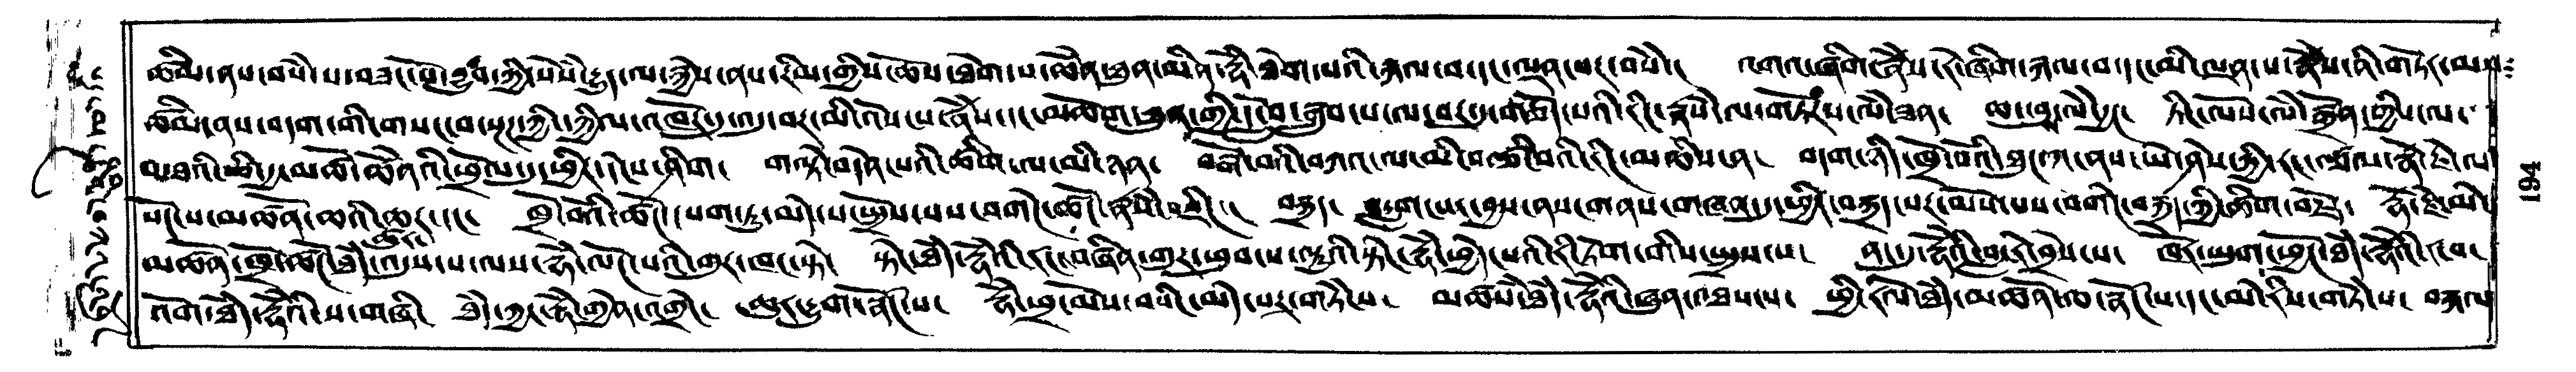ཚིམ་ནས་བསམ་པ་བཟང་པོ་བྱང་ཆུབ་ཀྱི་སེམས་རྒྱུད་ལ་སྐྱེས་ནས་རིམ་གྱིས་ཆོས་ཐེག་པ་ཆེན་པོ་ཐུན་མིན་རྡོ་རྗེ་ཐེག་པའི་སྐལ་པ་དང་ལྡན་པར་བསམ། འགའ་ཞིག་རྣམས་རེ་ཞིག་སྐལ་བ་དང་མི་ལྡན་པ་རྣམས་ནི་གཏོར་མས་
ཚིམ་ནས་བདག་གི་གསང་བ་སྔགས་ཀྱི་དཀྱིལ་འཁོར་དུ་འདུ་བར་མི་འོས་པ་རྣམས་དང་མཆོག་ཐུན་གྱི་དངོས་གྲུབ་སྒྲུབ་པ་ལ་བར་དུ་གཅོད་པའི་རིགས་རྣམས་གཏོར་མ་ལ་ཟན།ཆང་བུས་ལམ་རྒྱགས། ཏིང་ལོས་ལམ་སྒྲོན་གྱིས་ལ་
མཐའི་རྒྱ་མཚོ་ཆེན་པོའི་ཕ་རོལ་དུ་ཕྱིར་དེངས་ཤིག གལ་ཏེ་བདེན་པའི་ཚིག་ལ་མི་ཉན། བསྒོ་བའི་བཀའ་ལ་མི་རྩི་བའི་རིགས་མཆིས་ན། བདག་ཉིད་ཁྲོ་བོའི་ཐུགས་ཀ་ནས་ཡེ་ཤེས་ཀྱི་རང་རྩལ་རྡོ་རྗེ་ལ་
སོགས་པ་མཚོན་ཆའི་ཆར་དང་། ཁྲོ་བོའི་ཚོགས་དཔག་ཏུ་མེད་པ་སྤྲོས་པས་བགེགས་ཚོགས་རྣམས་དངངས། བསྐྲད། བརླག་པར་བྱས་ནས་གནས་གཞན་དུ་ཕྱིར་བསྐྲད་པར་མོས་པས་བགེགས་བསྐྲད་ཀྱི་ཚིག་བརྗོད། རྡོ་རྗེ་མེ་
མཚོན་ཁྲོ་ཚོགས་ཐམས་ཅད་འདུས་པ་ལས་རྡོ་རྗེ་ལ་སོགས་པའི་གུར་ཁང་སྟེ། སྟེང་ཐམས་ཅད་རྡོ་རྗེའི་རང་བཞིན་གུར་ཕུབ་པ་ལྟ་བུའི་སྟེང་རྡོ་རྗེ་ཕྱེད་པའི་ཏོག་གིས་སྤྲས་པ། ནང་དུ་རྡོ་རྗེའི་བླ་རེ་བྲེས་པ། ཁོར་ཡུག་ཕྱོགས་ཐམས་ཅད་རྡོ་རྗེའི་ར་བ། 
འོག་ཐམས་ཅད་རྡོ་རྗེའི་ས་གཞི། ཐམས་ཅད་ཀྱང་གྱེན་འགྲེང་། ཕྲེད་རྒྱུག་སྣ་ཚོགས་པ། རྡོ་རྗེ་ཕྲ་མོས་བར་གསང་མེད་པར་གཏམས་པ། མཚམས་ཐམས་ཅད་རྡོ་རྗེའི་ཞུན་འཐས་པ། ཕྱི་རོལ་ཐམས་ཅད་མཚོན་ཆ་སྣ་ཚོགས་པ་དང་མེ་རིས་གཏམས་པ། བསྐལ་